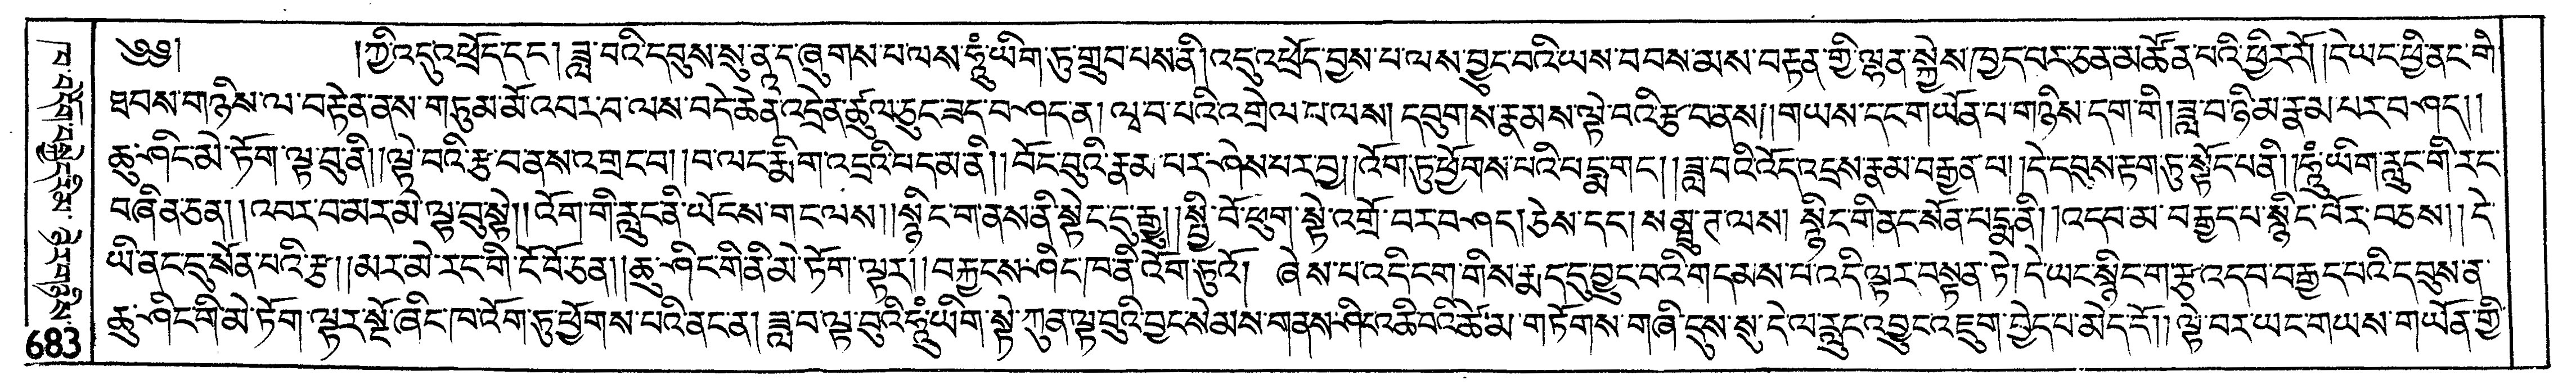༄༅། །ཀྱི་འདུ་འཕྲོད་དང་། ཟླ་བའི་དབུས་སུ་ནཱ་ད་ཞུགས་པ་ལས་ཧཱུཾ་ཡིག་ཏུ་གྲུབ་པས་ནི། འདུ་འཕྲོད་བྱས་པ་ལས་བྱུང་བའི་ཡས་བབས་མས་བརྟན་གྱི་ལྷན་སྐྱེས་ཁྱད་པར་ཅན་མཚོན་པའི་ཕྱིར་རོ། །དེ་ཡང་ཕྱི་ནང་གི་
ཐབས་གཉིས་ལ་བརྟེན་ནས་གཏུམ་མོ་འབར་བ་ལས་བདེ་ཆེན་འདྲེན་ཚུལ་ཅུང་ཟད་བཤད་ན། ལྭ་བ་པའི་འགྲེལ་པ་ལས། དབུགས་རྣམས་ལྟེ་བའི་རྩ་བ་ནས། །གཡས་དང་གཡོན་པ་གཉིས་དག་གི །ཟླ་བ་ཉི་མ་རྣམ་པར་བཤད།།
ཆུ་ཤིང་མེ་ཏོག་ལྟ་བུ་ནི། །ལྟེ་བའི་རྩ་བ་ནས་འགྲང་བ། །བ་ལང་རྨིག་འདྲའི་པད་མ་ནི། །བོང་བུའི་རྣམ་པར་ཤེས་པར་བྱ། །འོག་ཏུ་ཕྱོགས་པའི་པདམ་གང་། །ཟླ་བའི་འོད་འདྲས་རྣམ་བརྒྱན་པ། །དེ་དབུས་རྟག་ཏུ་སྟོང་པ་ནི། །ཧཱུཾ་ཡིག་རླུང་གི་རང་
བཞིན་ཅན། །འབར་བ་མར་མེ་ལྟ་བུ་སྟེ། །འོག་གི་རླུང་ནི་ཡོངས་གང་ལས། །སྙིང་ག་ནས་ནི་སྟེང་དུ་རྒྱུ། །སྤྱི་བོ་ཕུག་སྟེ་འགྲོ་བར་བཤད། ཅེས་དང་། སམྦུ་ཊ་ལས། སྙིང་གི་ནང་སོན་པདམ་ནི། །འདབ་མ་བརྒྱད་པ་སྙིང་པོར་བཅས། །དེ་
ཡི་ནང་དུ་སོན་པའི་རྩ། །མར་མེ་རང་གི་ངོ་བོ་ཅན། །ཆུ་ཤིང་གི་ནི་མེ་ཏོག་ལྟར། །བརྐྱངས་ཤིང་ཁ་ནི་འོག་ཏུའོ། ཞེས་པ་འདི་ངག་གིས་རྨད་དུ་བྱུང་བའི་གདམས་པ་འདི་ལྟར་བསྟན་ཏེ། དེ་ཡང་སྙིང་ག་རྩ་འདབ་བརྒྱད་པའི་དབུས་ན་
ཆུ་ཤིང་གི་མེ་ཏོག་ལྟར་སྔོ་ཞིང་ཁ་འོག་ཏུ་ཕྱོགས་པའི་ནང་ན། ཟླ་བ་ལྟ་བུའི་ཧཱུཾ་ཡིག་སྟེ་ཀུན་ལྟ་བུའི་བྱང་སེམས་གནས་ཤིང་འཆི་བའི་ཚེ་མ་གཏོགས་གཞི་དུས་སུ་དེ་ལ་རླུང་འབྱུང་འཇུག་བྱེད་པ་མེད་དོ། །ལྟེ་བར་ཡང་གཡས་གཡོན་གྱི་